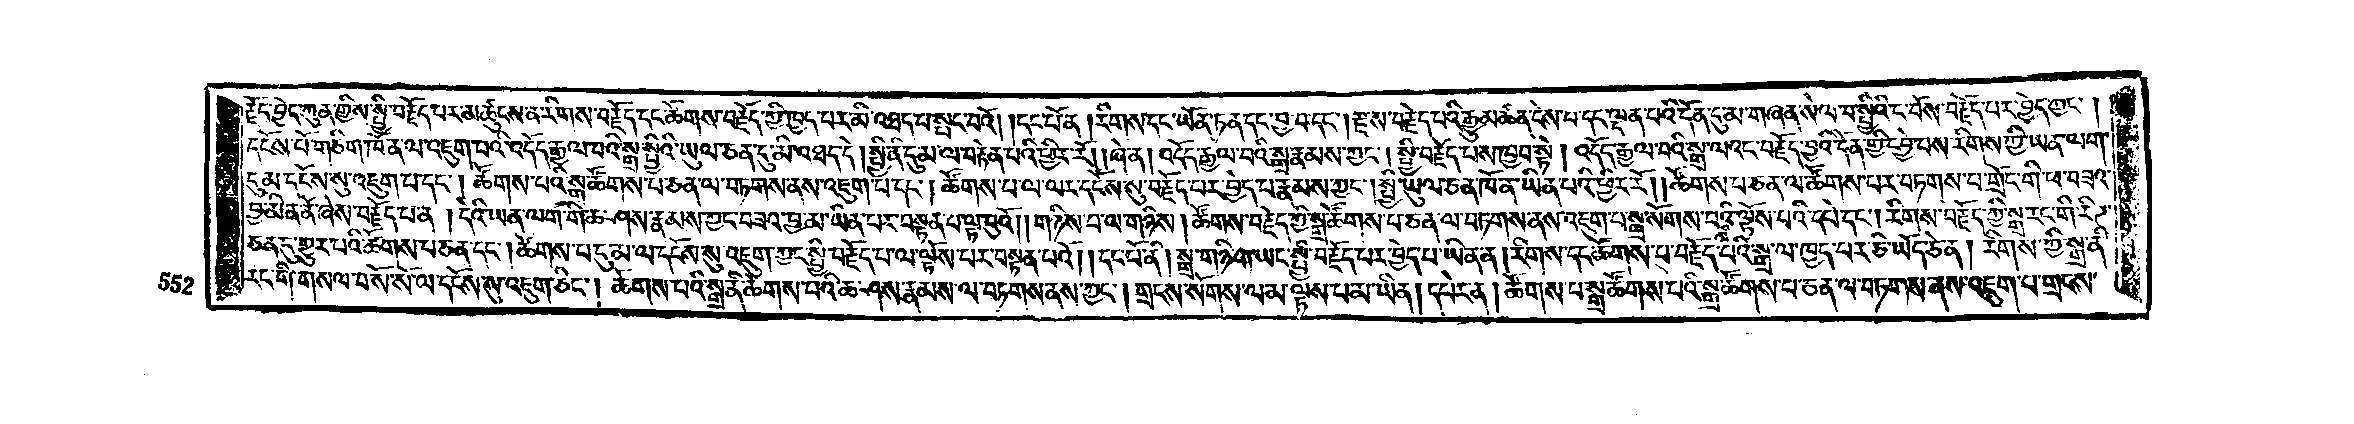རྗོད་བྱེད་ཀུན་གྱིས་སྤྱི་བརྗོད་པར་མཚུངས་ན་རིགས་བརྗོད་དང་ཚོགས་བརྗོད་ཀྱི་ཁྱད་པར་མི་འཐད་པ་སྤང་བའོ། །དང་པོ་ནི། རིགས་དང་ཡོན་ཏན་དང་བྱ་བ་དང་། རྫས་བརྗོད་པའི་རྒྱུ་མཚན་ངེས་པ་དང་ལྡན་པའི་དོན་དུ་མ་གཞན་སེལ་བ་སྤྱིའི་ངོ་བོས་བརྗོད་པར་བྱེད་ཀྱང་།
དངོས་པོ་གཅིག་ཁོ་ན་ལ་འཇུག་པའི་འདོད་རྒྱལ་པའི་སྒྲ་སྤྱིའི་ཡུལ་ཅན་དུ་མི་འཐད་དེ། སྤྱི་ནི་དུ་མ་ལ་བརྟེན་པའི་ཕྱིར་རོ། །ཞེ་ན། འདོད་རྒྱལ་པའི་སྒྲ་རྣམས་ཀྱང་། སྤྱི་བརྗོད་པས་ཁྱབ་སྟེ། འདོད་རྒྱལ་པའི་སྒྲ་ལའང་བརྗོད་བྱའི་དོན་གྱི་དབྱེ་བས་རིགས་ཀྱི་ཡན་ལག་
དུ་མ་དངོས་སུ་འཇུག་པ་དང་། ཚོགས་པའི་སྒྲ་ཚོགས་པ་ཅན་ལ་བཏགས་ནས་འཇུག་པ་དང་། ཚོགས་པ་ལ་ལར་དངོས་སུ་བརྗོད་པར་བྱེད་པ་རྣམས་ཀྱང་། སྤྱི་ཡུལ་ཅན་ཁོ་ན་ཡིན་པའི་ཕྱིར་རོ། །ཚོགས་པ་ཅན་ལ་ཚོགས་པར་བཏགས་པ་གྲོང་གི་ཕ་བཟའ་
བྱ་མིན་ནོ་ཞེས་བརྗོད་པ་ན། དེའི་ཡན་ལག་གི་ཆ་ཤས་རྣམས་ཀྱང་བཟའ་བྱ་མ་ཡིན་པར་བསྟན་པ་ལྟ་བུའོ། །གཉིས་པ་ལ་གཉིས། ཚོགས་བརྗོད་ཀྱི་སྒྲ་ཚོགས་པ་ཅན་ལ་བཏགས་ནས་འཇུག་པ་སྒྲ་སོགས་མི?་པའི་ལྟོས་པའི་དཔེ་དང་། རིགས་བརྗོད་ཀྱི་སྒྲ་རང་གི་རིགས་
ཅན་དུ་གྱུར་པའི་ཚོགས་པ་ཅན་དང་། ཚོགས་པ་དུ་མ་ལ་དངོས་སུ་འཇུག་ཀྱང་སྤྱི་བརྗོད་པ་ལ་ལྟོས་པར་བསྟན་པའོ། །དང་པོ་ནི། སྒྲ་གཉི་ག་ཡང་སྤྱི་བརྗོད་པར་བྱེད་པ་ཡིན་ན། རིགས་དང་ཚོགས་པ་བརྗོད་པའི་སྒྲ་ལ་ཁྱད་པར་ཅི་ཡོད་ཅེ་ན། རིགས་ཀྱི་སྒྲ་ནི་
རང་གི་གསལ་བ་སོ་སོ་ལ་དངོས་སུ་འཇུག་ཅིང་། ཚོགས་པའི་སྒྲ་ནི་ཚོགས་པའི་ཆ་ཤས་རྣམས། ལ་བཏགས་ནས་ཀྱང་། གྲངས་སོགས་ལ་མ་ལྟས་པ་མ་ཡིན། དཔེར་ན། ཚོགས་པ་སྒྲ་ཚོགས་པའི་སྒྲ་ཚོགས་པ་ཅན་ལ་བཏགས་ནས་འཇུག་པ་གྲངས་